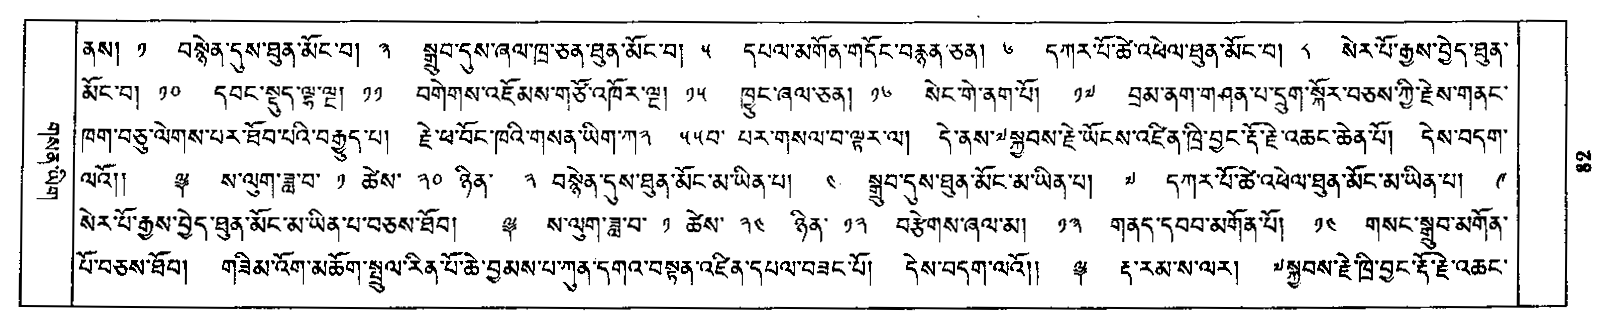ནས། ༡་བསྙེན་དུས་ཐུན་མོང་བ། ༣་སྒྲུབ་དུས་ཞལ་ཁྲ་ཅན་ཐུན་མོང་བ། ༥་དཔལ་མགོན་གདོང་བརྙན་ཅན། ༦་དཀར་པོ་ཚེ་འཕེལ་ཐུན་མོང་བ། ༨་སེར་པོ་རྒྱས་བྱེད་ཐུན་
མོང་བ། ༡༠་དབང་སྡུད་ལྷ་ལྔ། ༡༡་བགེགས་འཇོམས་གཙོ་འཁོར་ལྔ། ༡༥་ཁྱུང་ཞལ་ཅན། ༡༦་སེང་གེ་ནག་པོ། ༡༧་བྲམ་ནག་གཤན་པ་དྲུག་སྐོར་བཅས་ཀྱི་རྗེས་གནང་
ཁག་བཅུ་ལེགས་པར་ཐོབ་པའི་བརྒྱུད་པ། རྗེ་ཕ་བོང་ཁའི་གསན་ཡིག་ཀ ༢ ༥༥་བ་པར་གསལ་བ་ལྟར་ལ། དེ་ནས་༧་སྐྱབས་རྗེ་ཡོངས་འཛིན་ཁྲི་བྱང་རྡོ་རྗེ་འཆང་ཆེན་པོ། དེས་བདག་
ལའོ།། ༈ ས་ལུག་ཟླ་བ ༡་ཚེས ༢༠་ཉིན ༢་བསྙེན་དུས་ཐུན་མོང་མ་ཡིན་པ། ༤་སྒྲུབ་དུས་ཐུན་མོང་མ་ཡིན་པ། ༧་དཀར་པོ་ཚེ་འཕེལ་ཐུན་མོང་མ་ཡིན་པ། ༩
སེར་པོ་རྒྱས་བྱེད་ཐུན་མོང་མ་ཡིན་པ་བཅས་ཐོབ། ༈ ས་ལུག་ཟླ་བ ༡་ཚེས ༢༤་ཉིན ༡༢་བརྩེགས་ཞལ་མ། ༡༣་གནད་དབབ་མགོན་པོ། ༡༤་གསང་སྒྲུབ་མགོན་
པོ་བཅས་ཐོབ། གཟིམ་འོག་མཆོག་སྤྲུལ་རིན་པོ་ཆེ་བྱམས་པ་ཀུན་དགའ་བསྟན་འཛིན་དཔལ་བཟང་པོ། དེས་བདག་ལའོ།། ༈ རྡ་རམ་ས་ལར། ༧་སྐྱབས་རྗེ་ཁྲི་བྱང་རྡོ་རྗེ་འཆང་